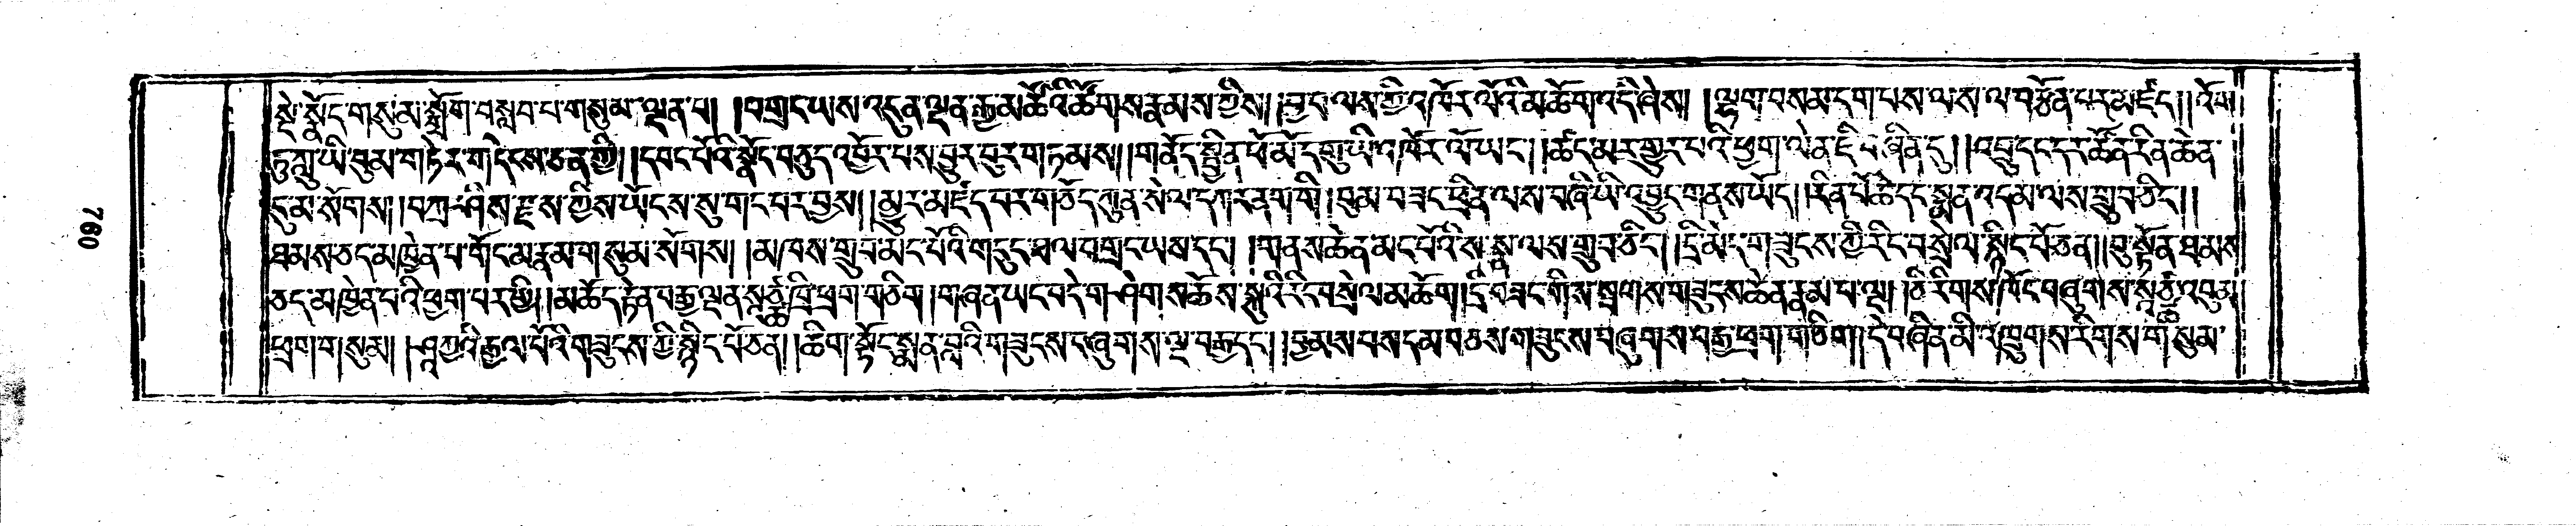སྡེ་སྣོད་གསུམ་སྒྲོག་བསླབ་པ་གསུམ་ལྡན་པ། །བགྲང་ཡས་འདུན་ལྡན་རྒྱ་མཚོའི་ཚོགས་རྣམས་ཀྱིས། །བྱ་བ་ལས་ཀྱི་འཁོར་ལོའི་མཆོག་འདི་ཞེས། །ལྷག་བསམ་དག་པས་ལས་ལ་བརྩོན་པར་མཛད། །འོག་
ཏུ་ཀླུ་ཡི་བུམ་གཏེར་གདེངས་ཅན་གྱི། །དབང་པོའི་སྣོད་བཅུད་འབྱོར་པས་བྱུར་བུར་གཏམས། །གནོད་སྦྱིན་ཕོ་མོ་དགུ་ཡི་འཁོར་ལོ་ཡང་། །ཚད་མར་གྱུར་པའི་ཕྱག་ལེན་ཇི་བཞིན་དུ། །འབྲུ་དང་དར་ཚོན་རིན་ཆེན་
དུ་མ་སོགས། །བཀྲ་ཤིས་རྫས་ཀྱིས་ཡོངས་སུ་གང་བར་བྱས། །མྱུར་མཛད་བར་གཅོད་ཀུན་སེལ་དཀར་ནག་གི །བུམ་བཟང་ཕྲིན་ལས་བཞི་ཡི་འབྱུང་གནས་ཡོད། །རིན་པོ་ཆེ་དང་སྨན་འདམ་ལས་གྲུབ་ཅིང་། །
ཐམས་ཅད་མཁྱེན་པ་གོང་མ་རྣམས་གསུམ་སོགས། །མཁས་གྲུབ་མང་པོའི་གདུང་ཐལ་བགྲང་ཡས་དང་། །གནས་ཆེན་མང་པོའི་ས་སྣ་ལས་གྲུབ་ཅིང་། །དྲི་མེད་གཟུངས་ཀྱི་རིང་བསྲེལ་སྙིང་པོ་ཅན། །བུ་སྟོན་ཐམས་
ཅད་མཁྱེན་པའི་ཕྱག་པར་གྱི། །མཆོད་རྟེན་བརྒྱ་ལྡན་སཱཙྪ་ཁྲི་ཕྲག་གཅིག །གཞན་ཡང་བདེ་གཤེགས་ཆོས་སྐུའི་རིང་བསྲེལ་མཆོག །དྲི་བཟང་གིས་སྦགས་གཟུངས་ཆེན་རྣམ་པ་ལྔ། །ཅི་རིགས་ཁོང་བཞུགས་སཱཙྪ་འབུམ་
ཕྲག་གསུམ། །ཤཱཀྱའི་རྒྱལ་པོའི་གཟུངས་ཀྱི་སྙིང་པོ་ཅན། །ཆིག་སྟོང་སྨན་བླའི་གཟུངས་བཞུགས་ལྔ་བརྒྱ་དང་། །བྱམས་པས་དམ་བཅས་གཟུངས་བཞུགས་བརྒྱ་ཕྲག་གཅིག །དེ་བཞིན་མི་འཁྲུགས་རིགས་གསུམ་